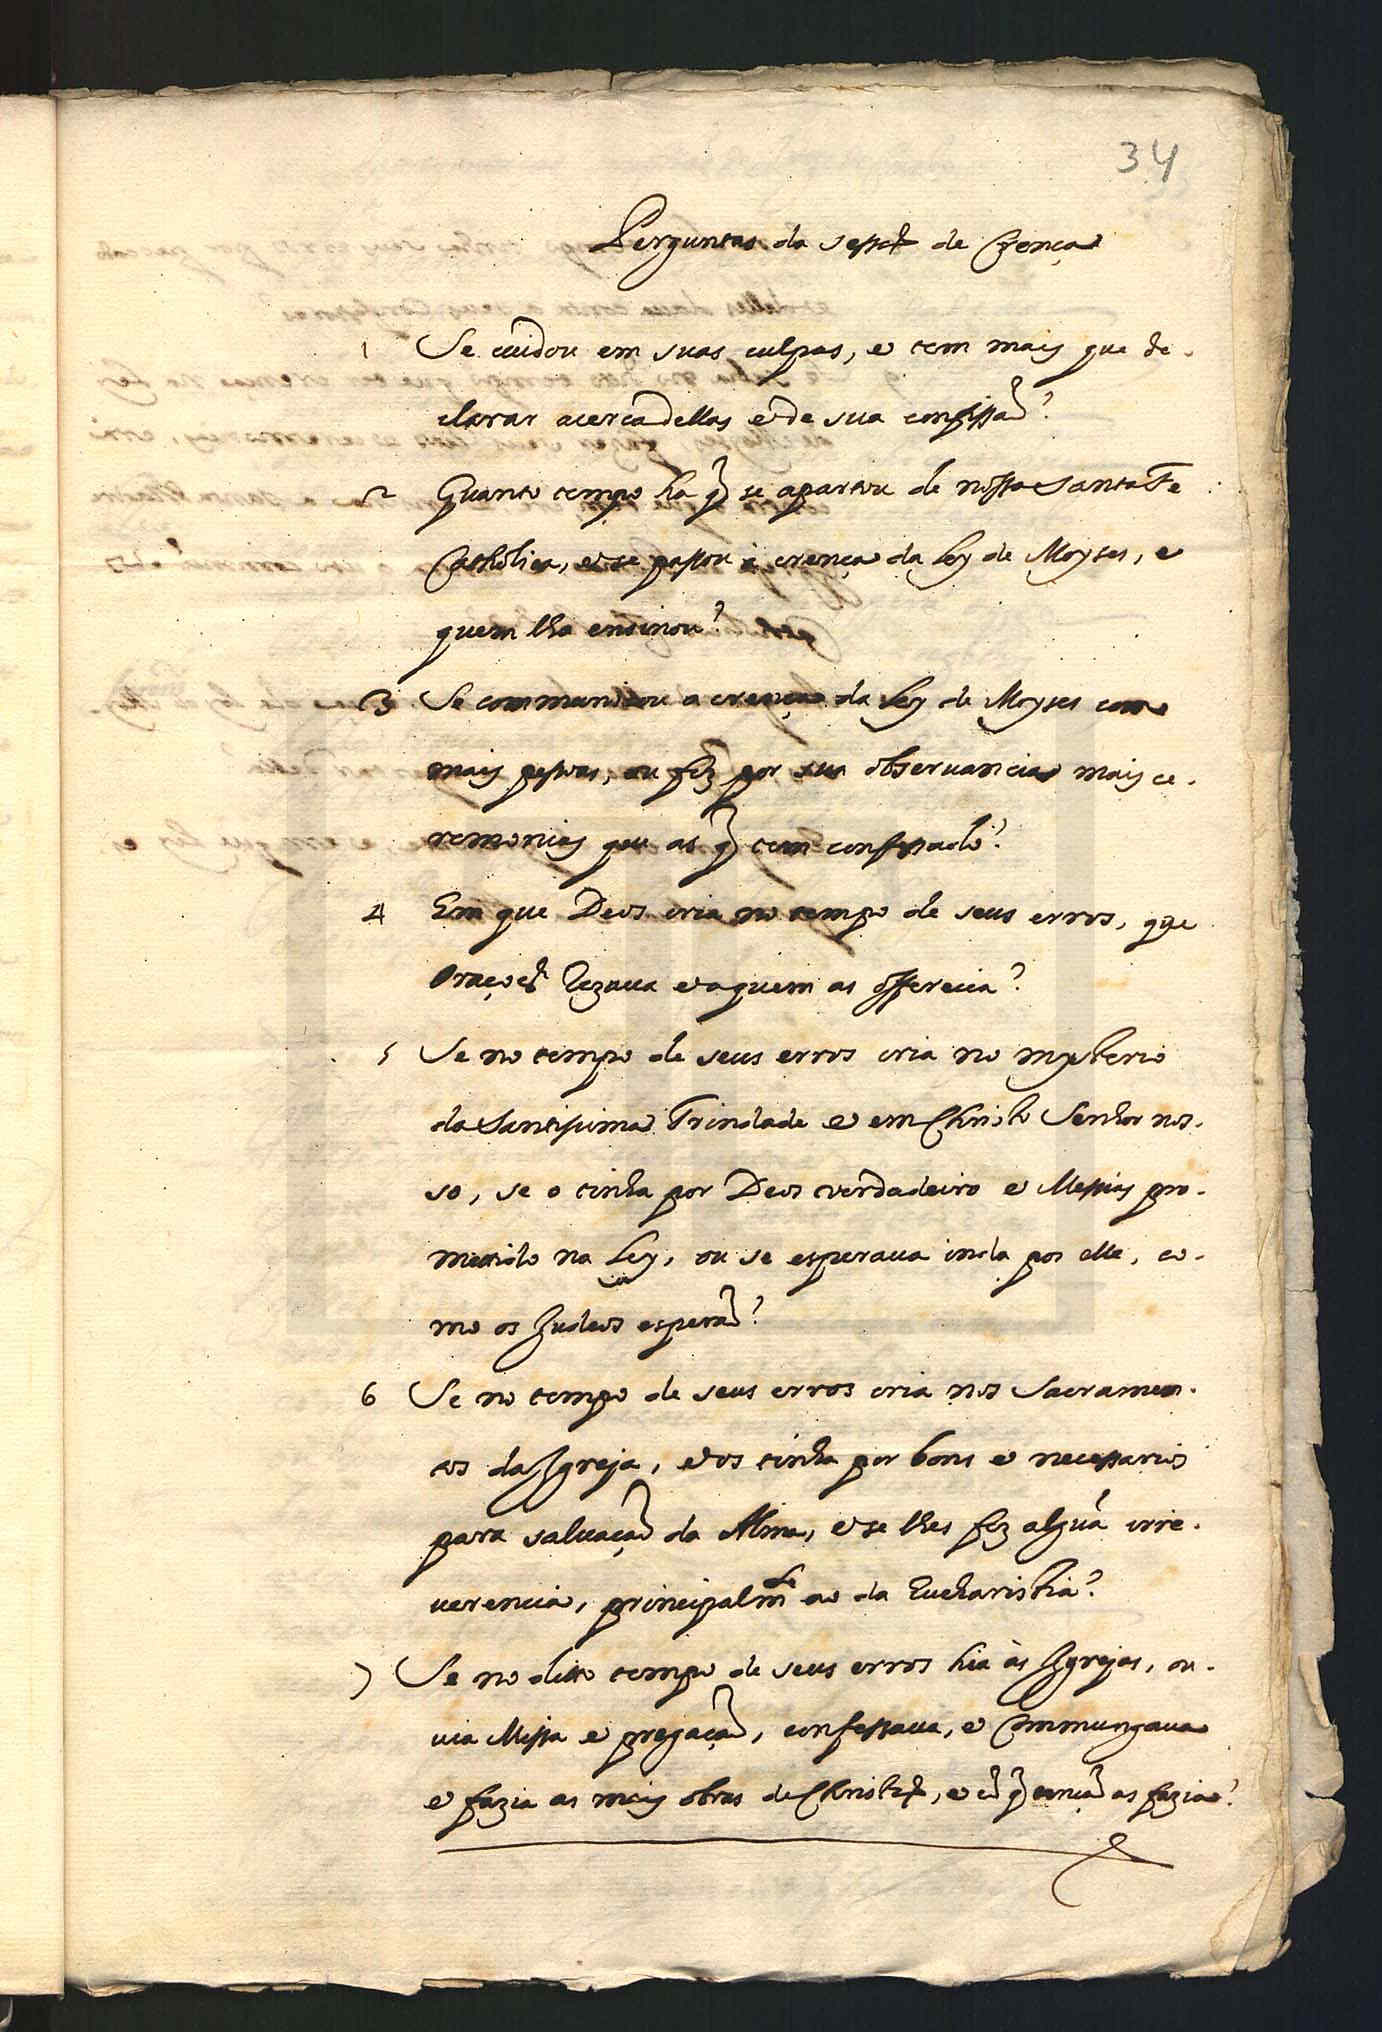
Perguntas da sessaõ de Crença
1 Se cuidou em suas culpas, e tem mais que de
clarar acerca dellas e de sua confissaõ?
2 Quanto tempo ha q̄ se apartou de nossa Santa Fe
Catholica, e se passou à crença da ley de Moyses, e
quem lho ensinou?
3 se communicou a crença da ley de Moyses com
mais pessoas, ou fez por sua obseruancia mais ce
remonias que as q̄ tem confessado?
4 Em que Deos cria no tempo de seus erros, que
oraçoẽs Rezaua e a quem as offerecia?
5 Se no tempo de seus erros cria no mysterio
da Santissima Trindade e em Christo Senhor nos
so, se o tinha por Deos verdadeiro, e Messias pro
mettido na Ley, ou se esperaua inda por elle, co
mo os Judeos esperaõ?
6 Se no tempo de seus erros cria nos Sacramen
tos da Jgreja, e os tinha por bons e necessarios
para saluaçaõ da Alma, e se lhes fez alguā irre
uerencia, principalmte no da Eucharistia.
7 Se no ditto tempo de seus erros hia às Jgrejas, ou
uia Missa e pregaçaõ, confessaua, e Commungaua
e fazia as mais obras de Christaõ, e cō q̄ tençaõ as fazia?
